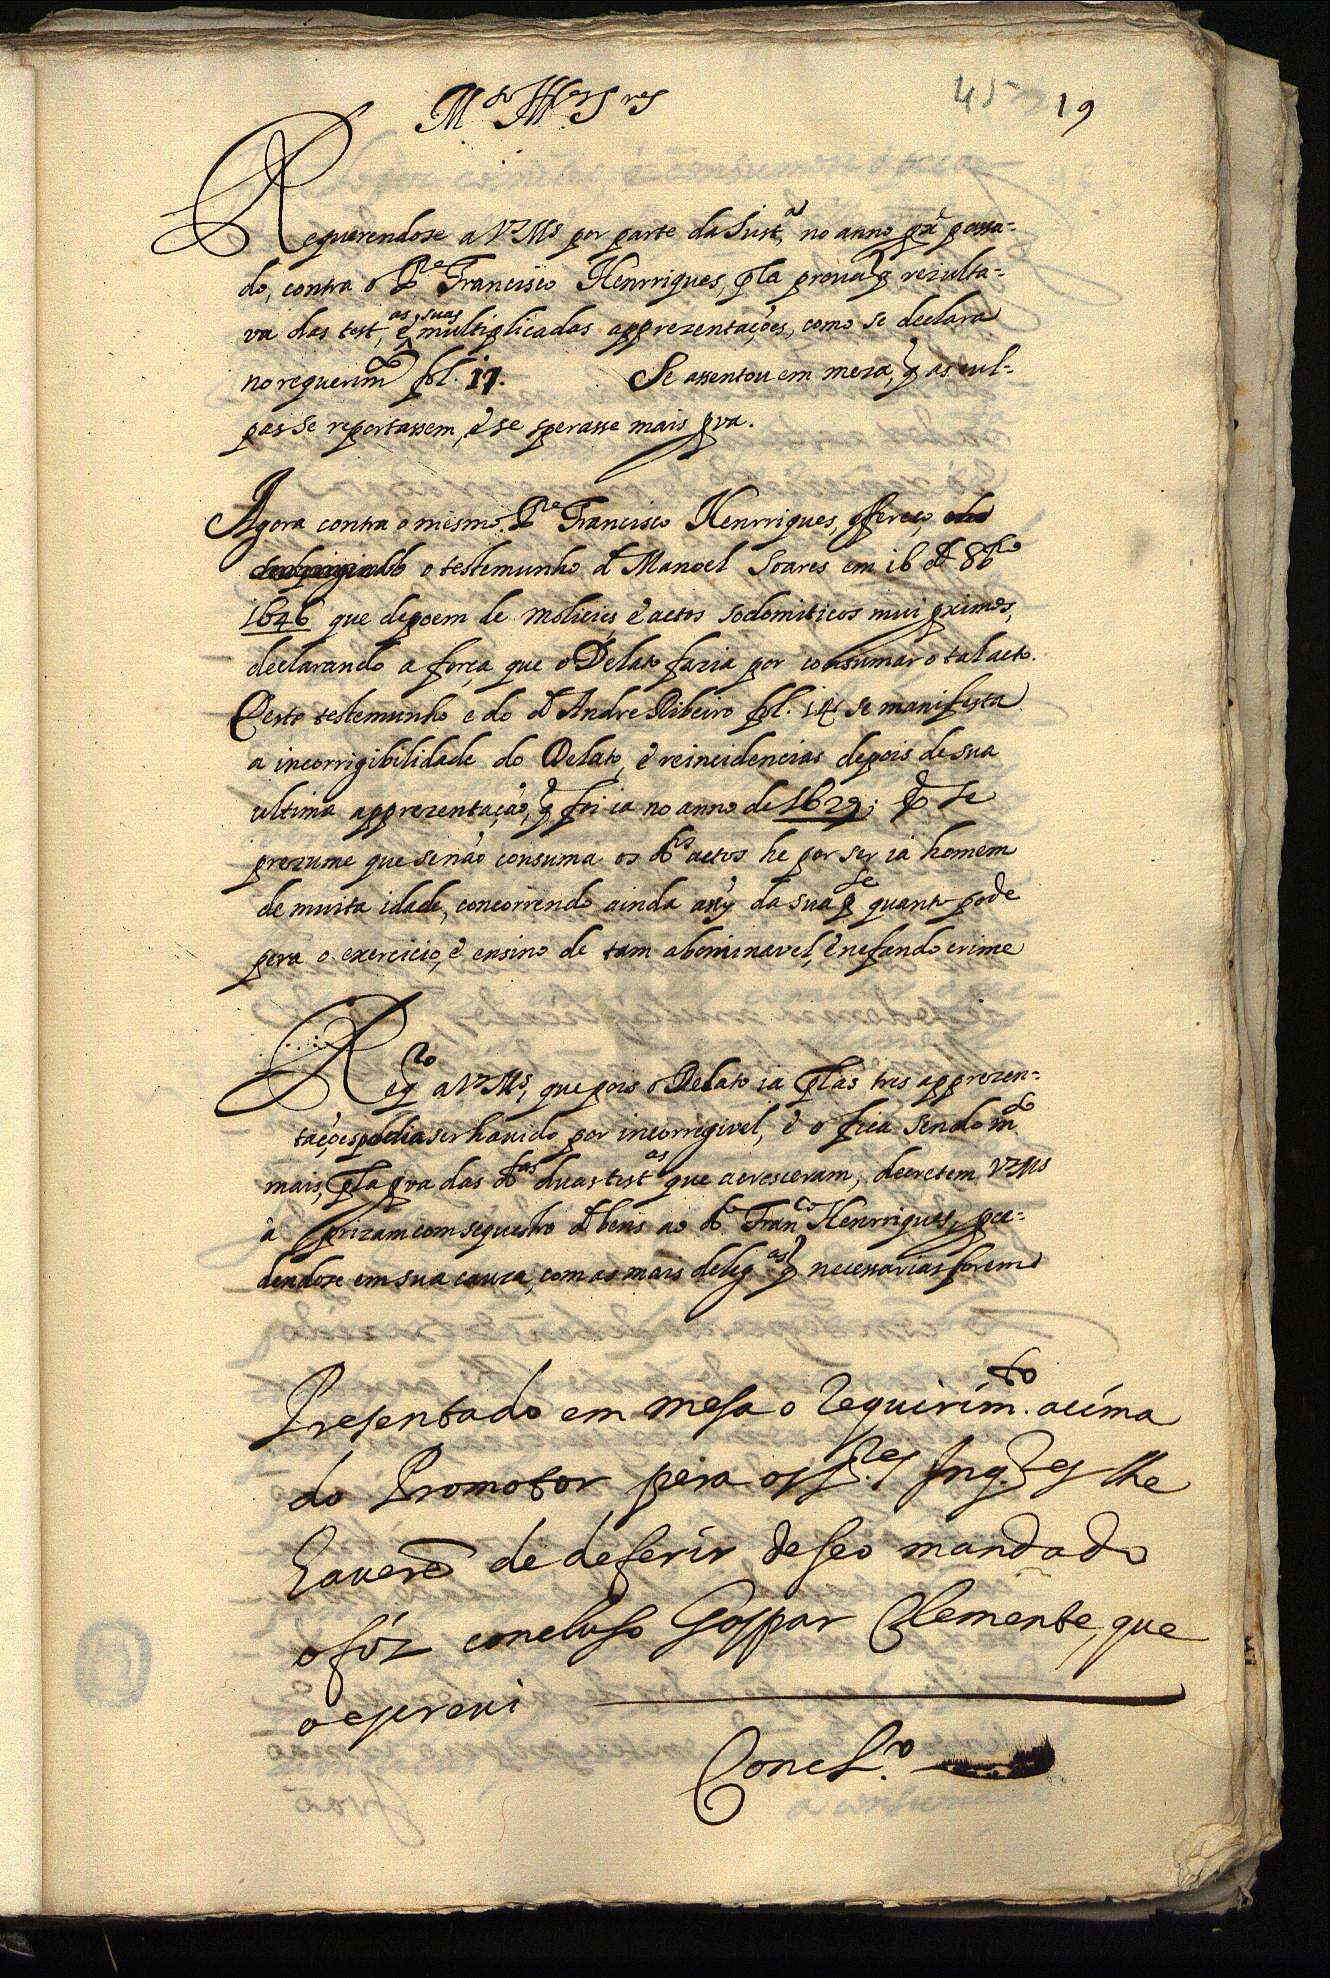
19
Mto Ill.es Sres
Requerendose a Vs Ms por parte da Iusta, no anno ꝓxe passa
do, contra o Pe Francisco Henrriques, pla proua q̄ rezulta
as suas
va das test, e multiplicadas apprezentações, como se declara
no requerimto fol. 17. Se assentou em meza, q̄ as cul
pas se reportassem, e se sperasse mais ꝓva.
Agora contra o mesmo Pe Francisco Henrriques, offereço
o testemunho d̄ Manoel Soares em 16 d̄ 8bro
1646 que depoem de molicies, e actos sodomiticos mui ꝓximos,
declarando a força que o Delato fazia por consumar o tal acto.
Deste testemunho e do d̄ Andre Ribeiro fol. 14 se manifesta
a incorrigibilidade do Delato, e reincidencias depois de sua
ultima apprezentaçaõ, q̄ foi ia no anno de 1629, E se
prezume que se não consuma os dos actos he por ser ia homem
de muita idade, concorrendo ainda assy da sua pte quanto pode
pera o exercicio, e ensino de tam abominavel, e nefando crime
Reqro a Vs Ms, que pois o Delato ia plas tres apprezen
tações podia ser hauido por incorregivel, e o fica sendo mto
mais, p̄la ꝓva das d̄as duas testas que acresceram, decretem Vs Ms
a prizam com sequestro d̄ bens ao d̄o Franco Henrriques, ꝓce
dendose em sua cauza, com as mais deligas q̄ necessarias forem
Presentado em mesa o Requirim.to acima
do Promotor pera os s.res Jnqres lhe
hauerē de deferir de seo mandado
o fiz concluso Gaspar Clemente, que
o escreui
ConcLo
